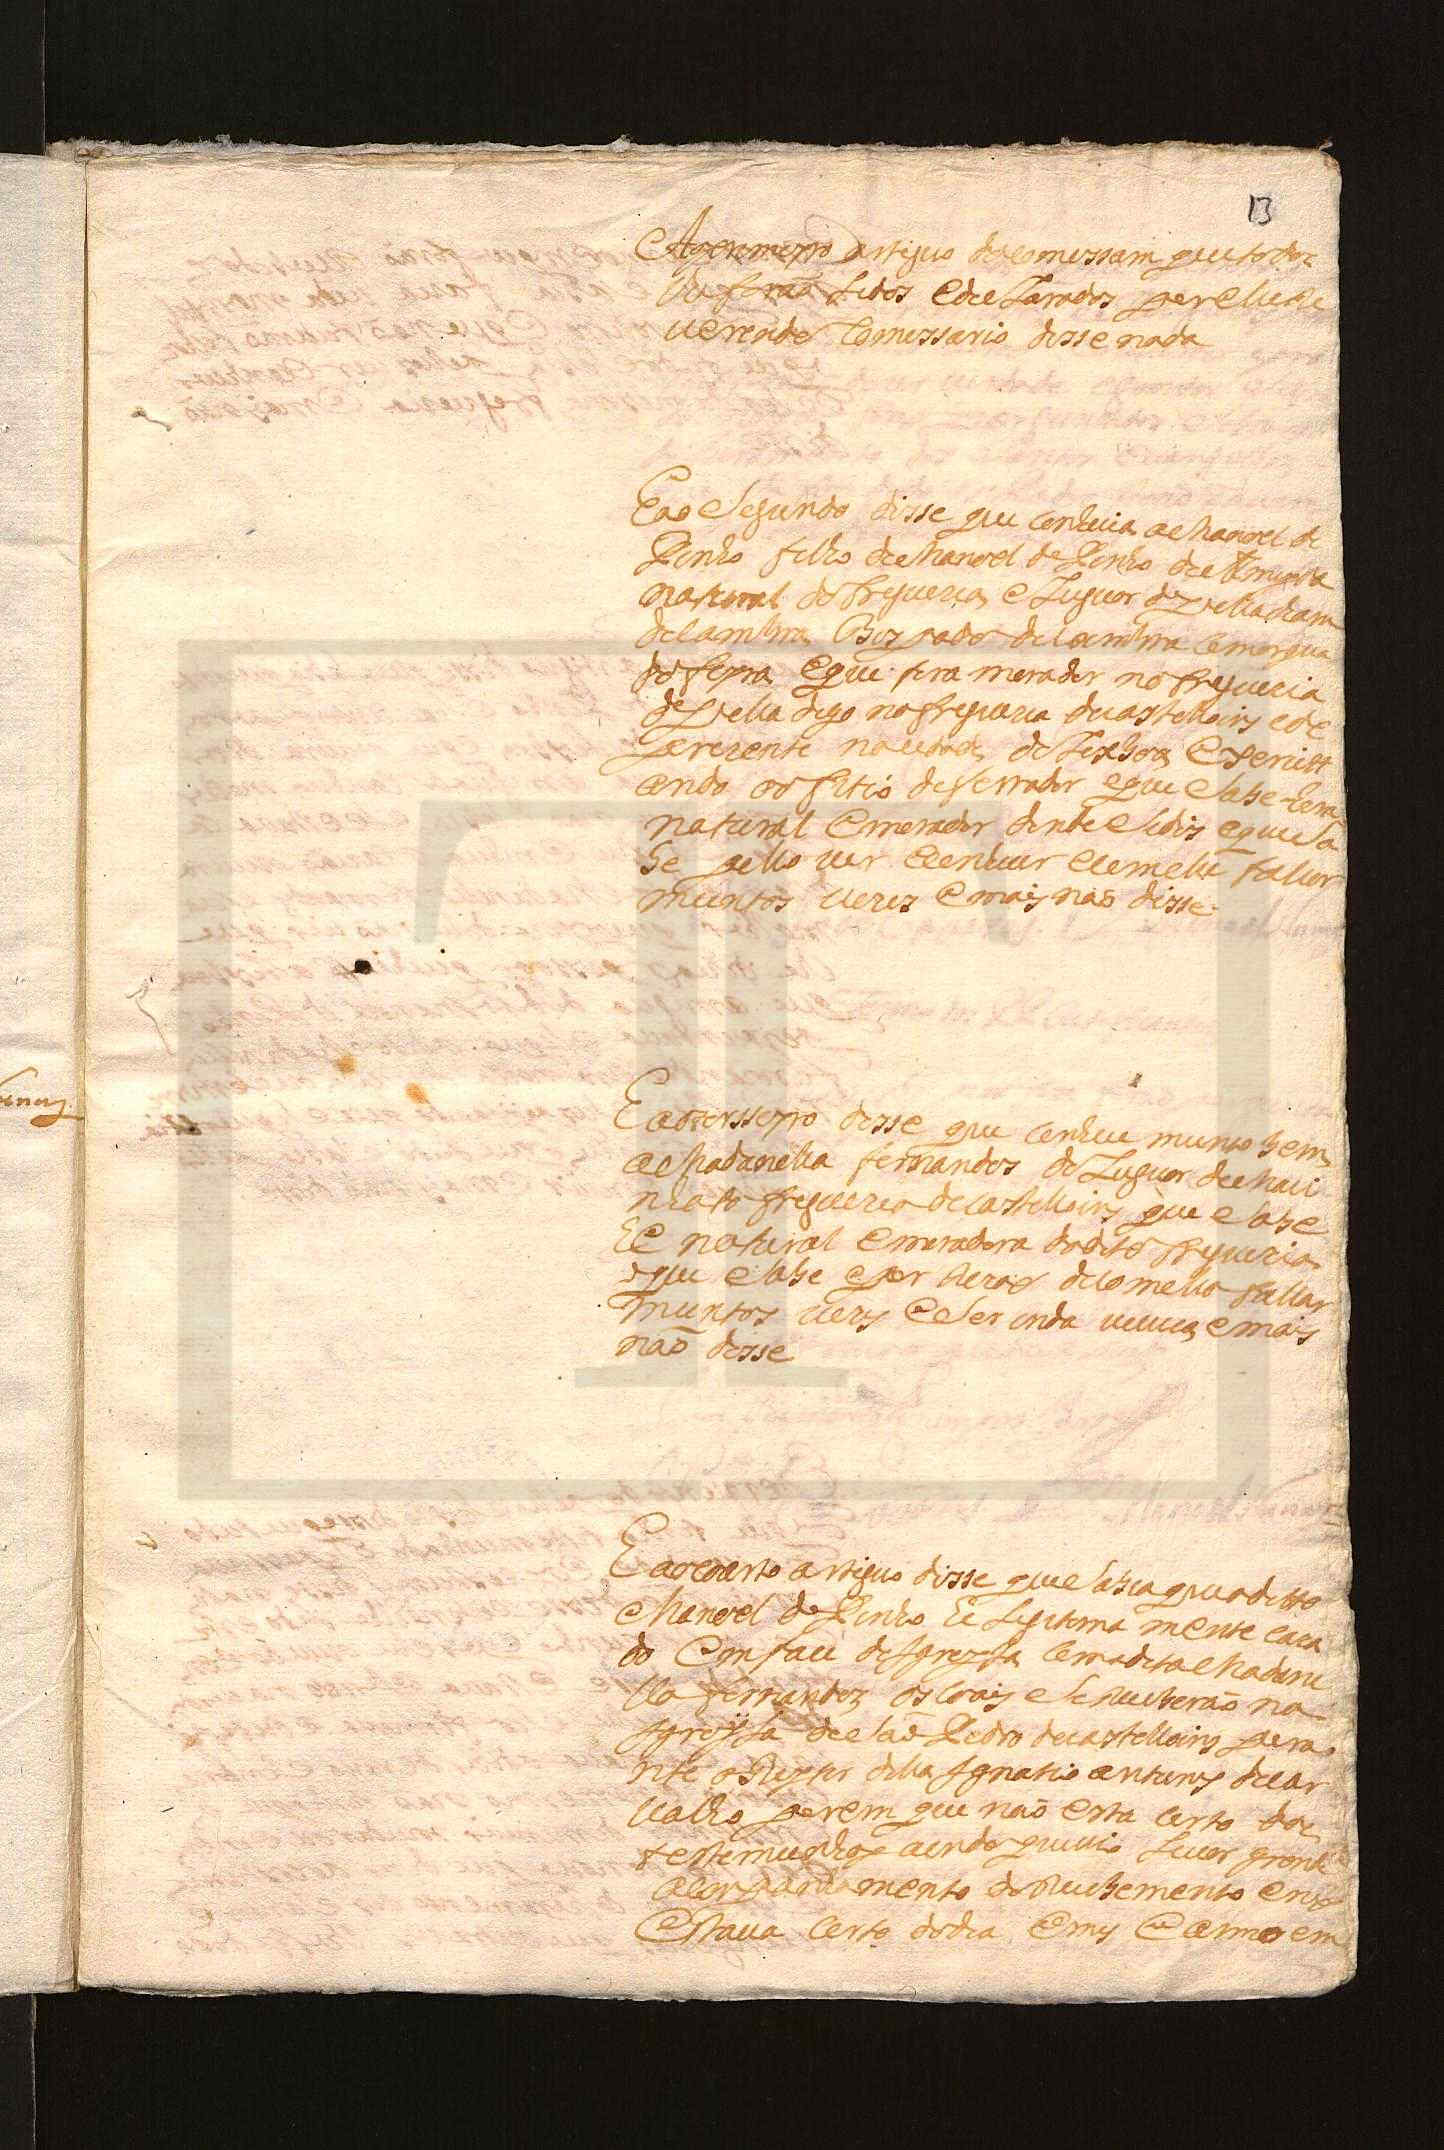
Ao primeyro artiguo da comissam que todos
lhe foraõ Lidos e decLarados por elle Re
uerendo comissario disse nada
E ao Segundo disse que conhecia a Manoel de
Pinho filho de Manoel de Pinho de Almeyda
natural da freguezia e Luguar de villa cham
de Cambra Bispado de Coimbra Comarqua
da feyra e que fora morador no freguezia
de Vella digo na freguezia de castelloins e de
prezente na cidade de Lixboa exercitt
ando o ofisio de ferrador e que Sabe hera
natural e morador donde Se dis e que Sa
be pello uer conhecer e com elle fallar
muntas uezes e mais naõ disse.
E ao tersseyo disse que conhece munto bem
a Madanella fernandes do Luguar de Maci
nhato freguezia de castelloins que Sabe
he natural e moradora da dita freguezia
o que sabe por Rezaõ de com ella fallar
muntas uezes e Ser inda ueuua, e mais
naõ disse
E ao coarto artiguo disse que Sabia que o ditto
Manoel do Pinho he Legitimamente caza
do em face de JgreyJa com a dita Madane
lla fernandez os coais se Receberaõ na
JgreyJa de Saõ Pedro de castelloins pera
nte o Reytor della Jgnasio antunes de car
ualho porem que naõ esta certo das
testemunhas ainda que uio Leuar grande
acompanhamento do Recebimento e nao
Estaua certo do dia E mes E anno em
